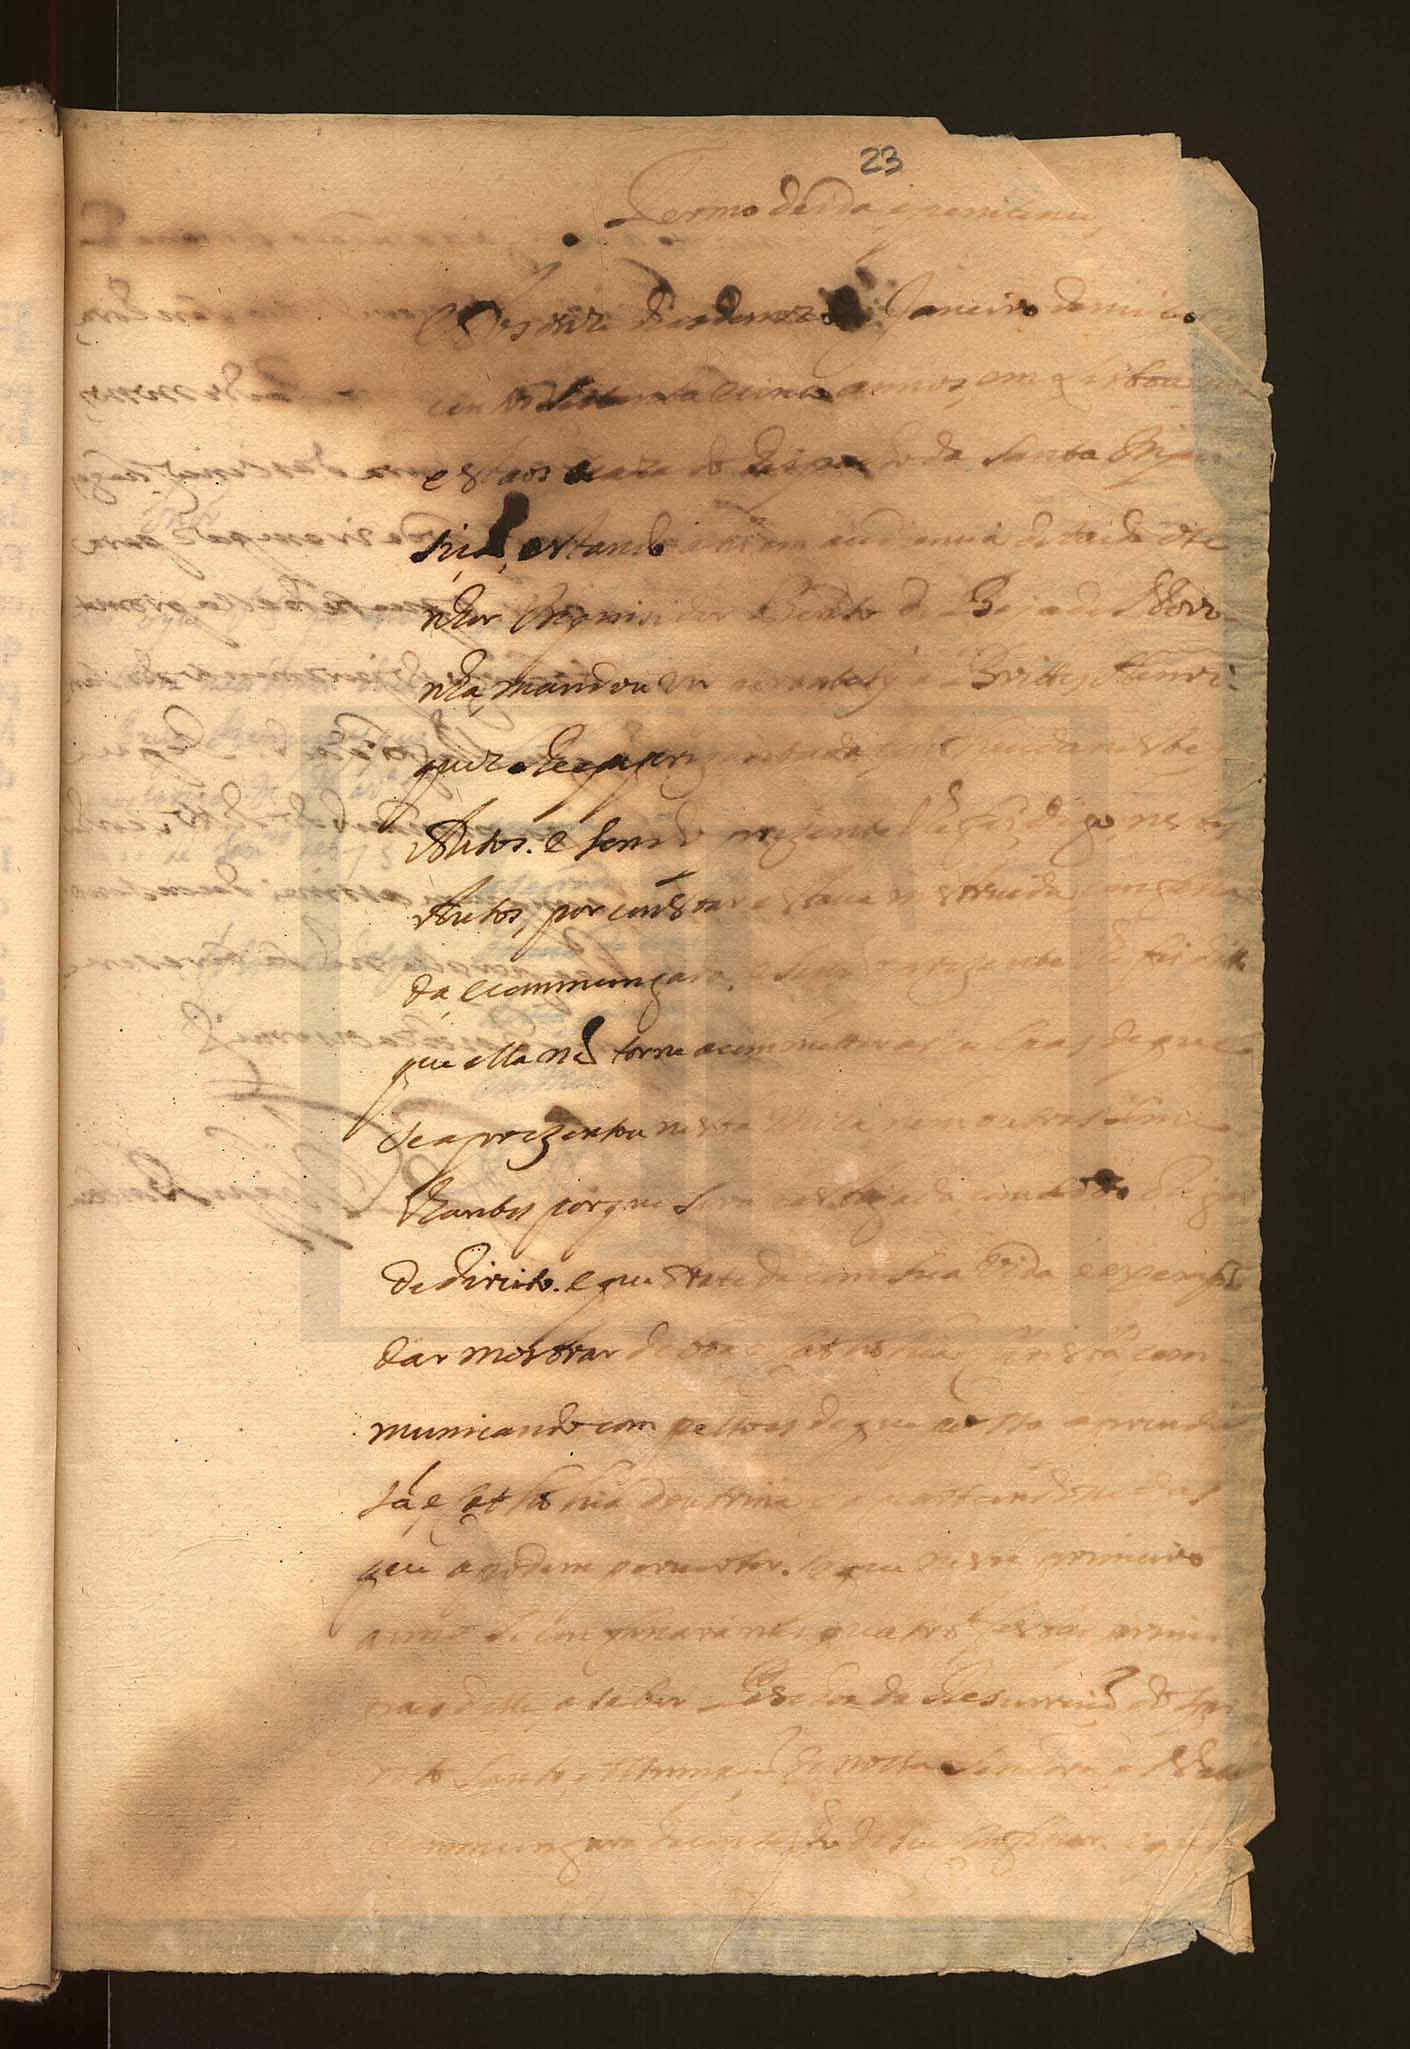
Termo de ida, e penitenca
Aos onze dias do mez _ Janeiro de mil seis
centos setenta e cinco annos, em Lisboa nos
estaos e caza do despacho da santa Inqui
siçaõ, estando ahi em audiencia da tarde o se
nhor Inquisidor Bento de Beja de Noro
nha mandou perante sy a Brittes Henri
quez Re apprezentada, contheuda nestes
Autos. e sendo prezente lhe fez digo, nestes
Autos, por constar estaua instruida, confessa
da, e commungada, e sendo prezente lhe foi ditto
que ella naõ torne a commetter as culpas de que
se aprezentou nesta meza nem outras seme
lhantes porque sera castigada com todo o Rigor
de direito. e que tratada com sua vida e exemplo
dar mostrar de boa e Catholica Christã, com
municando com pessoas de que possa aprender
sã, e Catholica doutrina e apartandosse das
que a podem pevrerter. e que nesse primeiro
anno se confessará nas quatro festas princi
paes disse, a saber, Paschoa da Resurreiçaõ, do Spi
rito Santo, Assumpçaõ de nossa Senhora e Nata
commungara da _ de seu Confessor. e que
